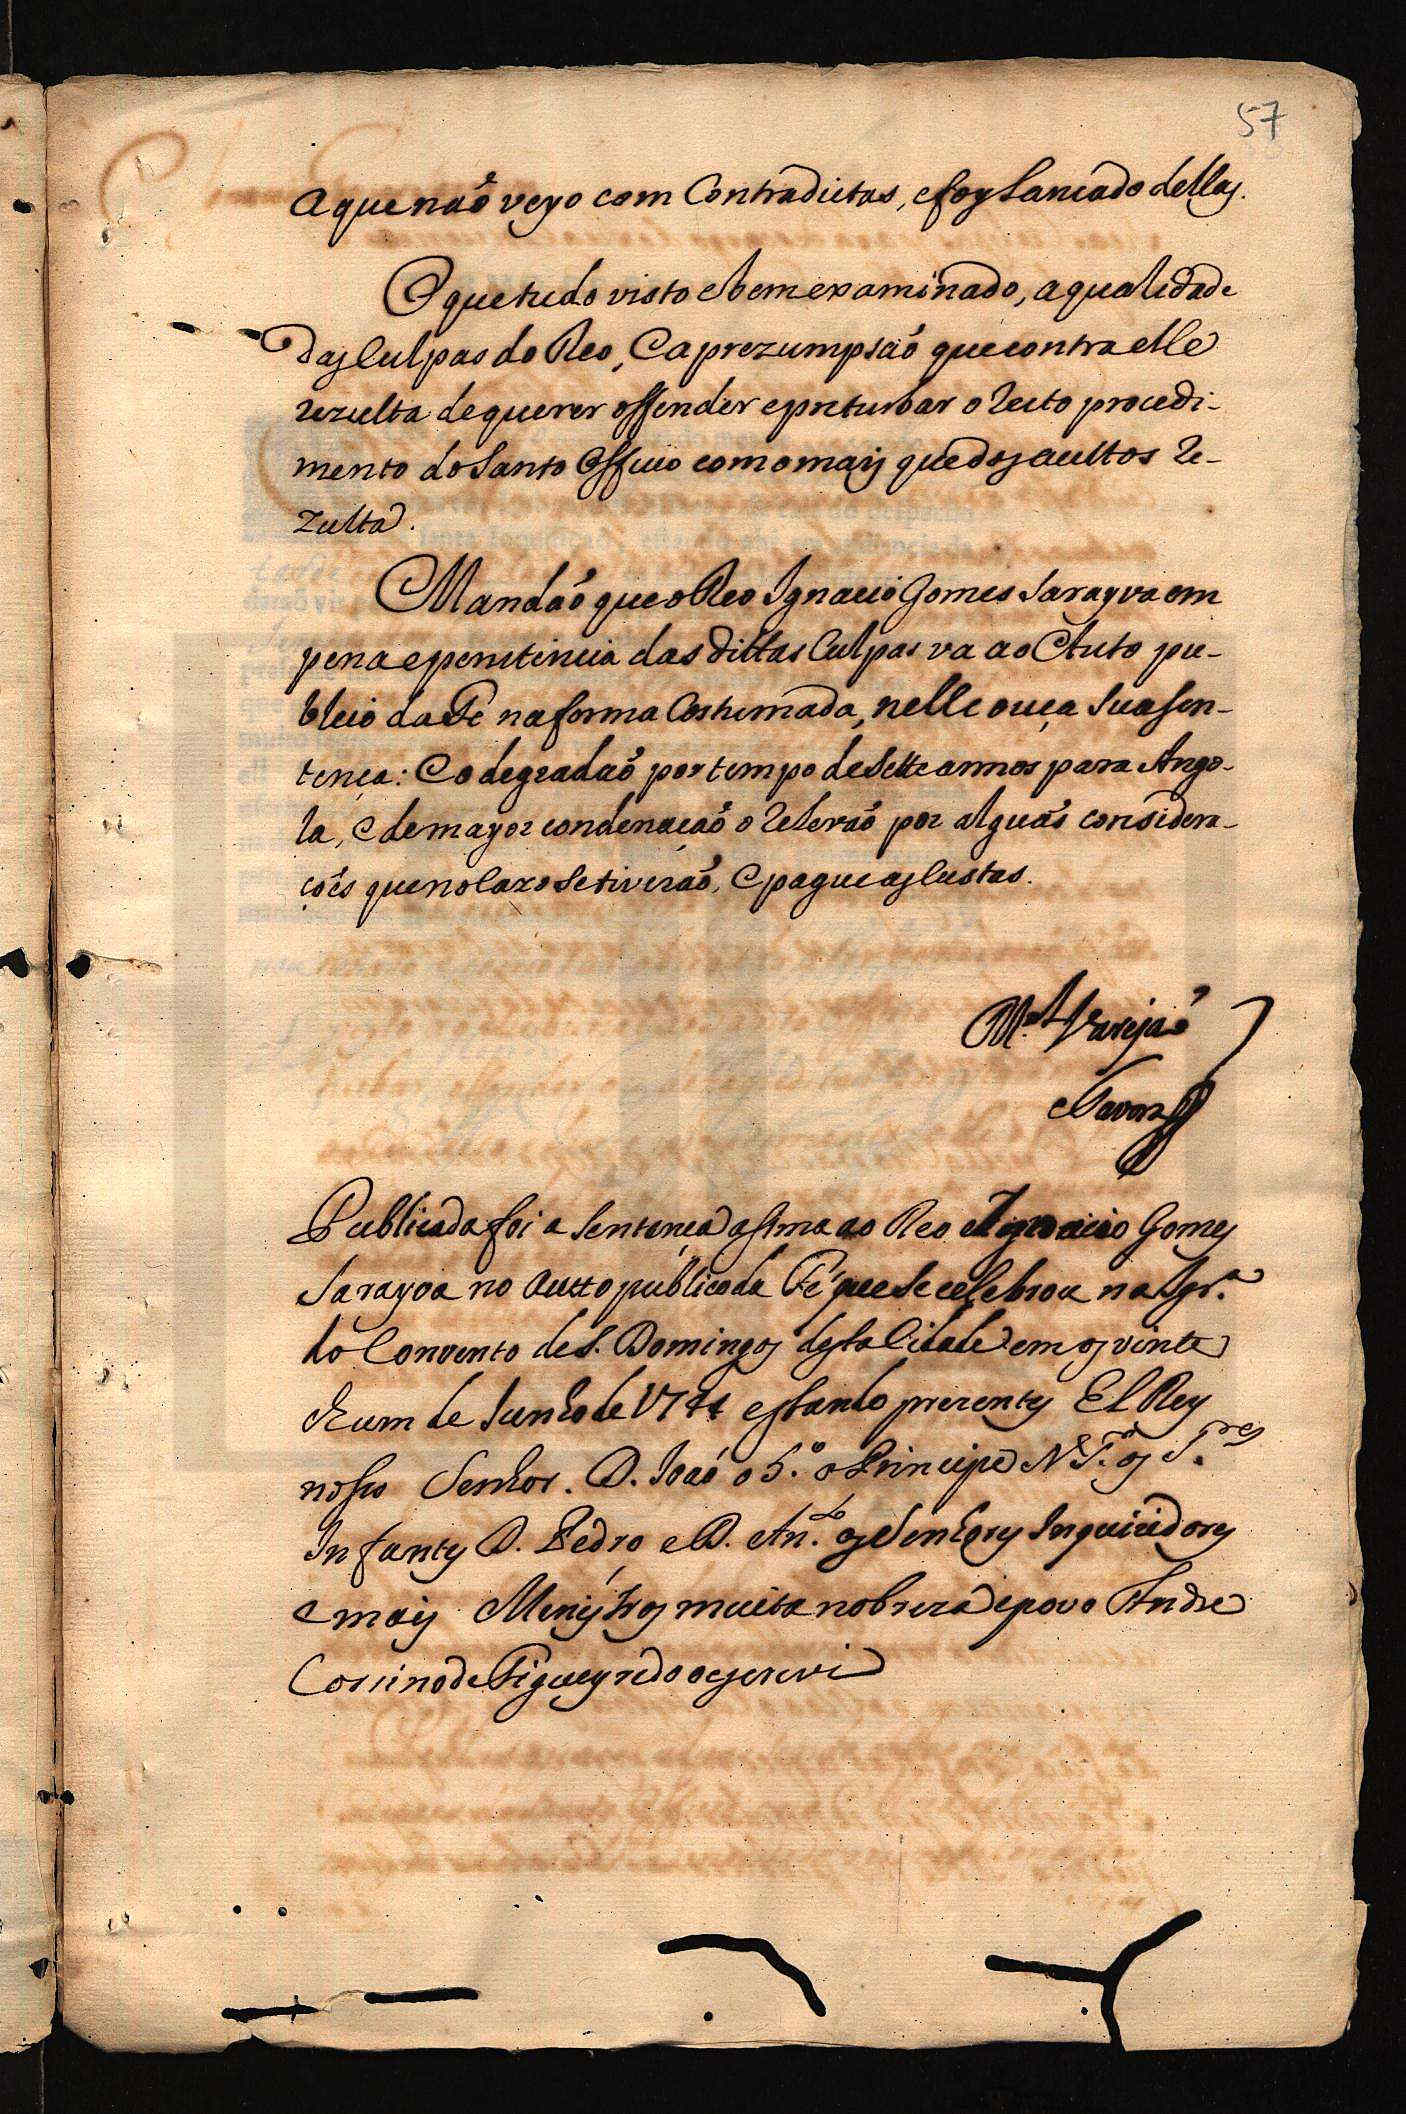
a que naõ veyo com contradictas, e foy lançado dellas.
O que tudo visto e bem examinado, a qualidade
das culpas do Reo, e a prezumpsaõ que contra elle
rezulta de querer offender e preturbar o Recto procedi
mento do Santo Officio com o mais que dos auttos Re
zulta.
Mandaõ que o Reo Ignacio Gomes Sarayva em
pena e penitencia das dittas Culpas va ao Auto pu
blico da Fe na forma costumada, nelle ouça sua sen
tença: e o degradaõ por tempo de sette annos para Ango
la, e de mayor condenaçaõ o Relevaõ por alguas̄ considera
çoẽs que no cazo se tiveraõ, e pague as custas.
M.el Varejaõ
e Tavora
Publicada foi a sentença asima ao Reo Ignacio Gomes
Sarayva no autto publico da Fé que se celebrou na Igr.a
do Convento de S. Domingos desta Cidade em os vinte
e hum de Iunho de 1744 estando prezentes El Rey
nosso Senhor. D. Ioão 5.o o Principe N. S.r os S.res
Infantes D. Pedro e D. An.to os Senhores Inquizidores
e mais Ministros muita nobreza e povo Andre
Corsino de Figueyredo o escrevi
